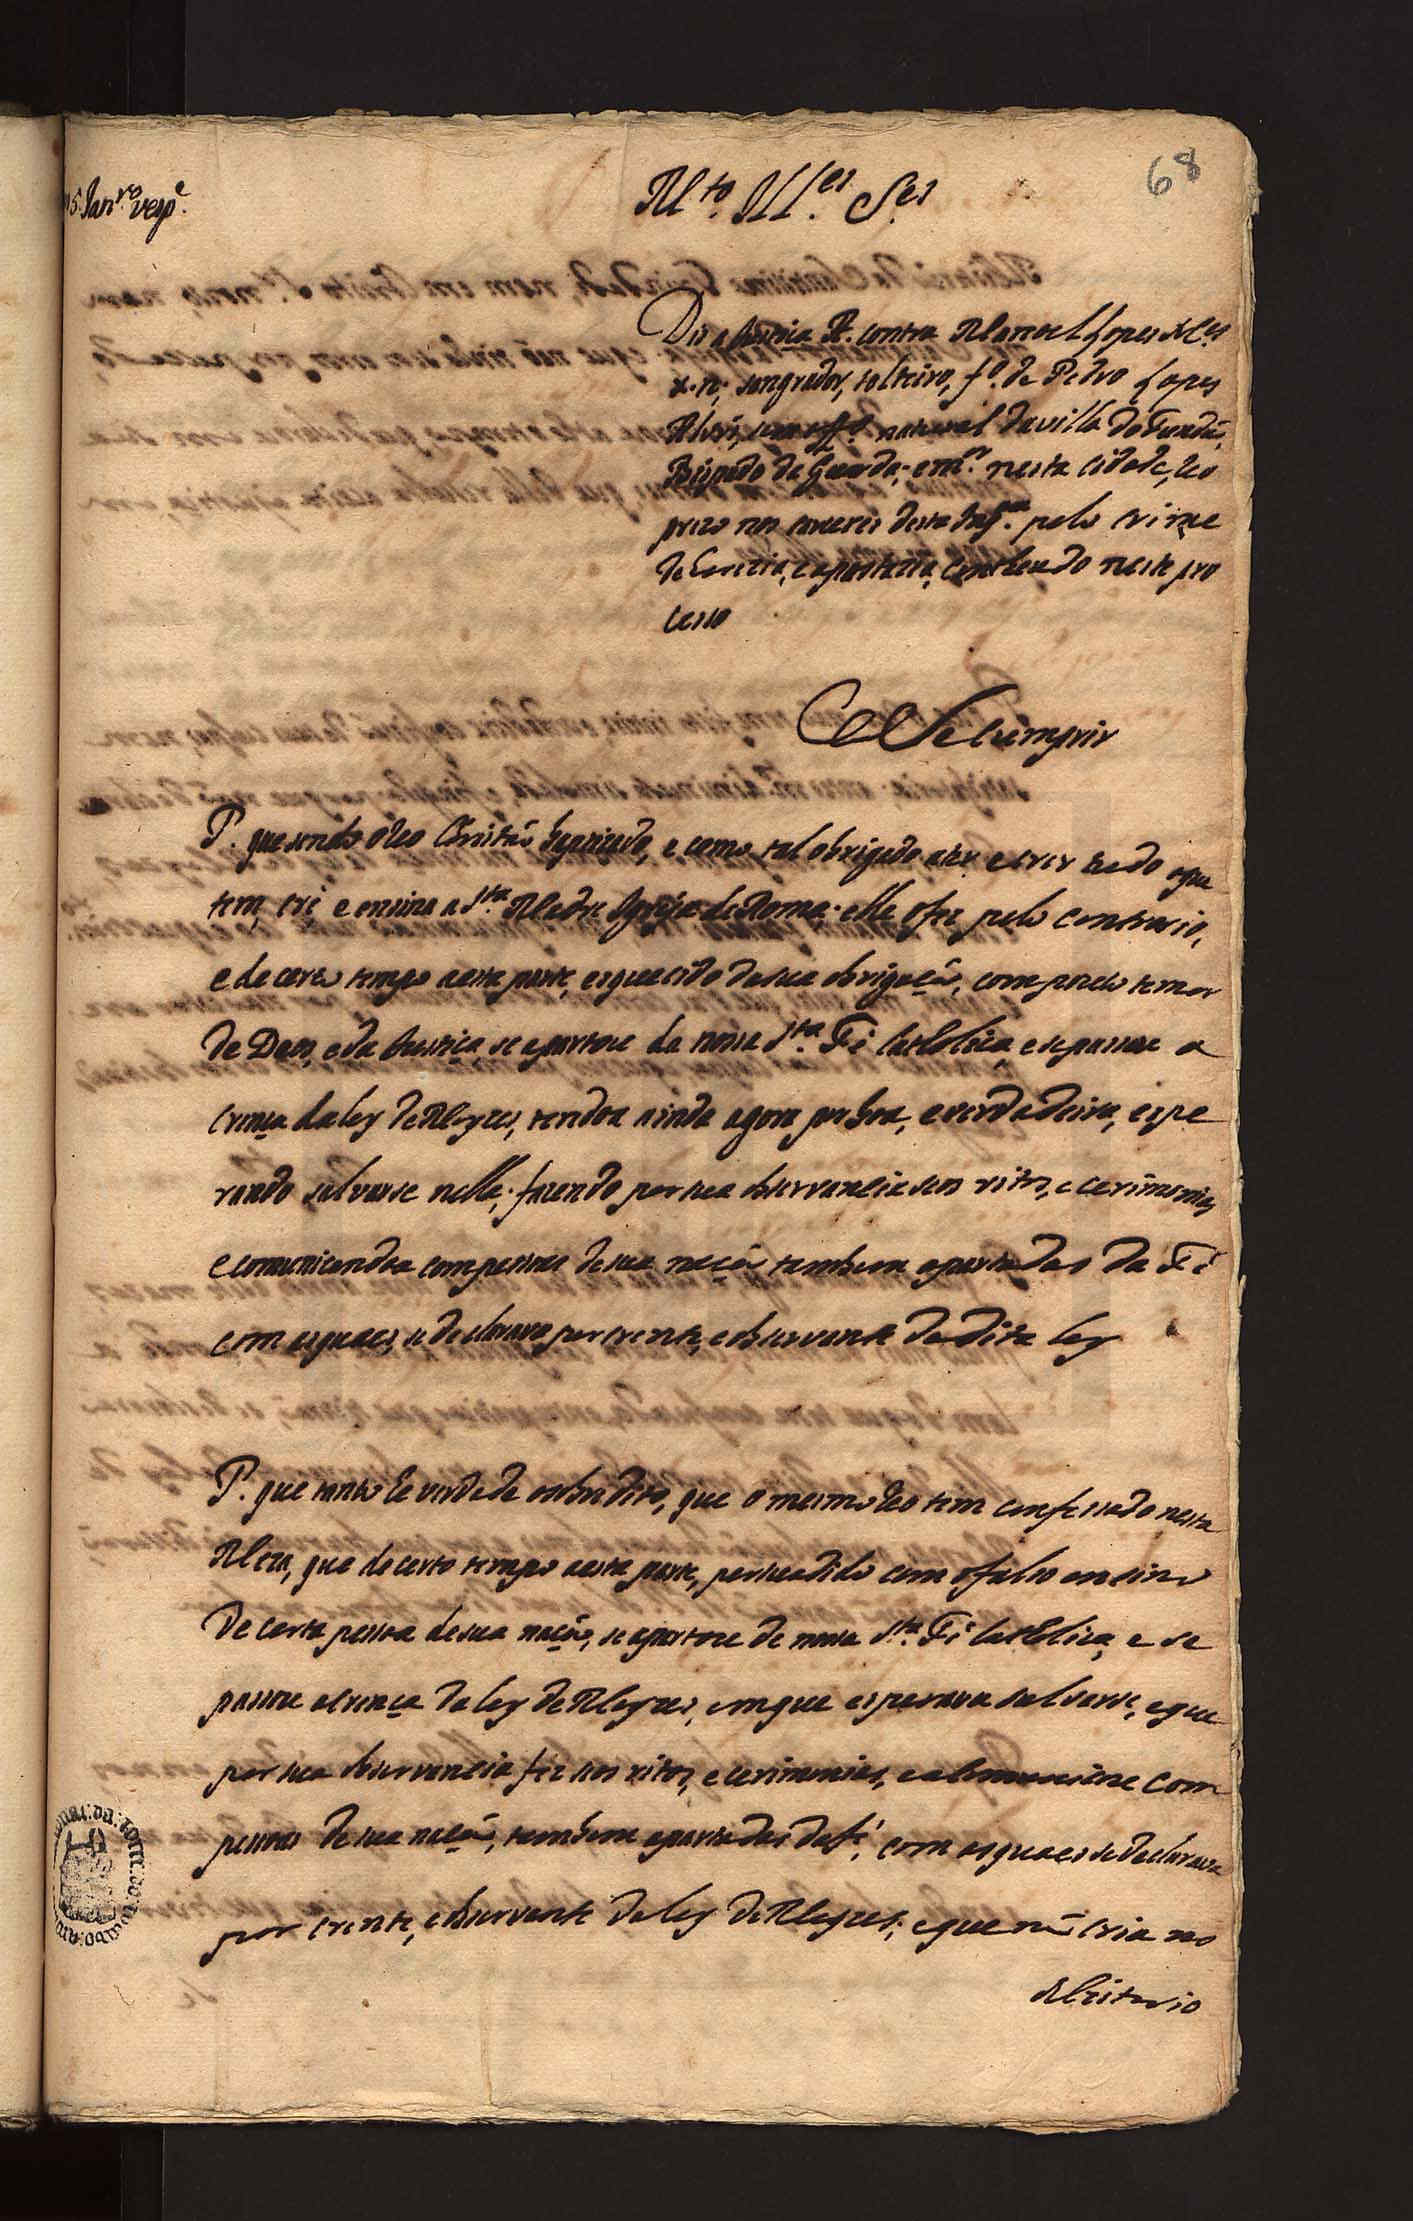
5 Ian.ro vesp.e
M.to Ill.es S.es
Dis a Iustiça A. contra Manoel Lopes M.es
x. n., sangrador, solteiro, f.o de Pedro Lopes
Alvrs̄, sem off.o natural da villa do Fundão,
Bispado de Guarda; e m.or nesta cidade, reo
prezo nos carceres desta Inq.am pelo crime
de herezia, e apostazia, contheudo neste pro
cesso
E Se cumpir
P. que sendo o Reo Christaõ baptizado, e como tal obrigado a ter e crer tudo a que
tem, cre, e ensina a s.ta Madre Igreja de Roma: elle o fez pelo contrario,
e de certo tempo a esta parte, esquecido de sua obrigação, com pouco temor
de Deos, e da Iustiça se apartou da nossa S.ta Fé Catholica, e se passou a
crença da ley de Moyzes, tendoa ainda agora por boa, e verdadeira, espe
rando salvarse nella; fazendo por sua observancia seos ritos, e cerimonias
e comunicandoa com pessoas de sua naçaõ tambem apartadas da Fé
com as quaes se declarava por crente, e observante da dita ley
P. que tanto he verdade o sobredito, que o mesmo Reo tem confessado nesta
Meza, que de certo tempo a esta parte, persuadido com o falso ensino
De certa pessoa de sua naçaõ, se apartou de nossa S.ta Fé Catholica, e se
passou a crença da ley de Moyzes, em que esperava salvarse, e que
por sua observancia fez seos ritos, e cerimonias, e a comunicou com
pessoas de sua naçaõ, tambem apartadas de Fé, com as quaes se declarava
por crente, e observante da ley de Moyzes; e que não cria no
Misterio
